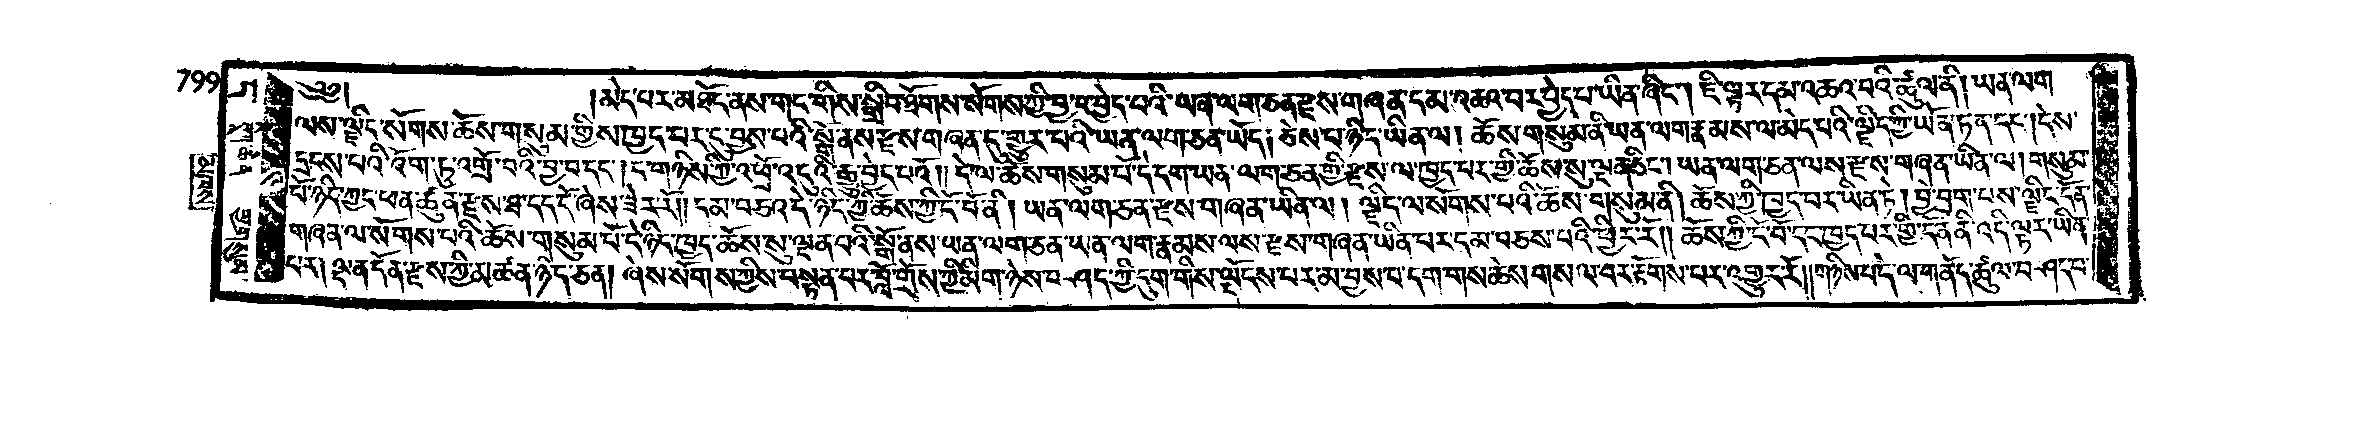༄༅། །མེད་པར་མཐོད་ནས་གང་གིས་སྒྲིབ་ཐོགས་སོགས་ཀྱི་བྱ་བ་བྱེད་པའི་ཡན་ལག་ཅན་རྫས་གཞན་དམ་ཆའ་བར་བྱེད་པ་ཡིན་ཞིང་། ཇི་ལྟར་དམ་འཆའ་བར་བྱེད་པ་ཡིན་ཞིང་། ཇི་ལྟར་དམ་འཆའ་བའི་ཚུལ་ནི། ཡན་ལག་
ལས་ལྗིང་སོགས་ཆོས་གསུམ་གྱིས་ཁྱད་པར་དུ་བྱས་པའི་སྒོ་ནས་རྫས་གཞན་དུ་གྱུར་པའི་ཡན་ལག་ཅན་ཡོད། ཅེས་པ་ཉིད་ཡིན་ལ། ཆོས་གསུམ་ནི་ཡན་ལག་རྣམས་ལ་མེད་པའི་ལྗིད་ཀྱི་ཡོན་ཏན་དང་། དེས་
དྲངས་པའི་འོག་ཏུ་འགྲོ་བའི་བྱ་བ་དང་། ང་གཉིས་ཀྱི་འཕྲོ་འདུའི་རྒྱུ་བྱེད་པའོ། །དེ་ལ་ཆོས་གསུམ་པོ་དེ་དག་ཡན་ལག་ཅན་གྱི་རྫས་ལ་ཁྱད་པར་གྱི་ཆོས་སུ་ལྡན་ཅིང་། ཡན་ལག་ཅན་ལས་རྫས་གཞན་ཡིན་ལ། གསུམ་
པོ་ཉིད་ཀྱང་ཕན་ཚུན་རྫས་ཐ་དད་དོ་ཞེས་ཟེར་རོ། །དམ་བཅའ་དེ་ཉིད་ཀྱི་ཆོས་ཀྱི་ངོ་བོ་ནི། ཡན་ལག་ཅན་རྫས་གཞན་ཡིན་ལ། ལྗིད་ལ་སོགས་པའི་ཆོས་གསུམ་ནི། ཆོས་ཀྱི་ཁྱད་པར་ཡིན་ཏེ། བྱེ་བྲག་པས་ལྗིང་དོན་
གཞན་ལ་སོགས་པའི་ཆོས་གསུམ་པོ་དེ་ཉིད་ཁྱད་ཆོས་སུ་ལྡན་པའི་སྒོ་ནས་ཡན་ལག་ཅན་ཡན་ལག་རྣམས་ལས་རྫས་གཞན་ཡིན་པར་དམ་བཅས་པའི་ཕྱིར་རོ། །ཆོས་ཀྱི་ངོ་བོ་དང་ཁྱད་པར་གྱི་དོན་ནི་འདི་ལྟར་ཡིན་
པར། ལྡན་དོན་རྫས་ཀྱི་མཚན་ཉིད་ཅན། ཞེས་སོགས་ཀྱིས་བསྟན་པར་བློ་གྲོས་ཀྱི་མིག་ཉེས་བཤད་ཀྱི་དུག་གིས་ལྡོངས་པར་མ་བྱས་པ་དག་གིས་ཆེས་གསལ་བར་རྟོགས་པར་འགྱུར་རོ། །གཉིས་པ་དེ་ལ་གནོད་ཚུལ་བཤད་པ་